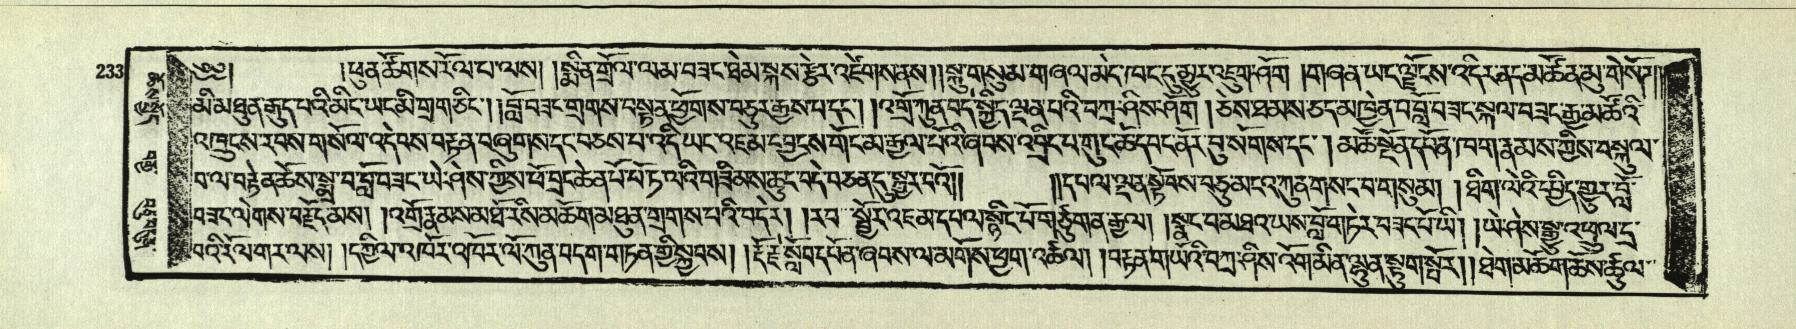༄༅། །ཕུན་ཚོགས་རོལ་པ་ལས། །སྨིན་གྲོལ་ལམ་བཟང་ཐེམ་སྐས་རྩེར་འཛེགས་ནས། །སྐུ་གསུམ་གཞལ་མེད་ཁང་དུ་མྱུར་འཇུག་ཤོག །གཞན་ཡང་ལྗོངས་འདིར་ནད་མཚོན་མུ་གེ་སོཌ།།
མི་མཐུན་རྒུད་པའི་མིང་ཡང་མི་གྲག་ཅིང་། །བློ་བཟང་གྲགས་བསྟན་ཕྱོགས་བཅུར་རྒྱས་པ་དང་། །འགྲོ་ཀུན་བདེ་སྐྱིད་ལྡན་པའི་བཀྲ་ཤིས་ཤོག །ཅེས་ཐམས་ཅད་མཁྱེན་པ་བློ་བཟང་སྐལ་བཟང་རྒྱ་མཚོའི་
འཁྲུངས་རབས་གསོལ་འདེབས་བརྟན་བཞུགས་དང་བཅས་པ་འདི་ཡང་འཇམ་དབྱངས་གོང་མ་རྒྱལ་པོའི་ཞབས་འབྲིང་པ་གུང་ཆོ་དབང་ནོར་བུ་སོགས་དང་།མཚོ་སྔོན་དཔོན་ཁག་རྣམས་ཀྱིས་བསྐུལ་
བ་ལ་བརྟེན་ཆོས་སྨྲ་བ་བློ་བཟང་ཡེ་ཤེས་ཀྱིས་ཕོ་བྲང་ཆེན་པོ་པོ་ཏ་ལའི་གཟིམས་ཆུང་བདེ་བ་ཅན་དུ་སྒྱར་བའོ།། །།དཔལ་ལྡན་སྟོབས་བཅུ་མངའ་ཀུན་གསང་བ་གསུམ། །ཐིག་ལེའི་དཔྱིད་གྱུར་བློ་
བཟང་ལེགས་བརྗོད་མས། །འགྲོ་རྣམས་མཐོ་རིས་མཆོག་མཐུན་གྲགས་པའི་བདེར། །རབ་སྦྱོར་འཇམ་དཔལ་སྙིང་པོ་གཙུག་ན་རྒྱལ། །སྣང་བ་མཐའ་ཡས་བློ་གཏེར་བཟང་པོ་ཡི། །ཡེ་ཤེས་སྒྱུ་འཕྲུལ་དྲ་
བའི་རོལ་གར་ལས། །དཀྱིལ་འཁོར་འཁོར་ལོ་ཀུན་བདག་གཏན་གྱི་སྐྱབས། །རྡོ་རྗེ་སློབ་དཔོན་ཞབས་ལ་མགོས་ཕྱག་འཚལ། །བརྟན་གཡོའི་བཀྲ་ཤིས་འོག་མིན་ལྷུན་སྟུག་སྤོར། །ཐེག་མཆོག་ཆོས་ཚུལ་